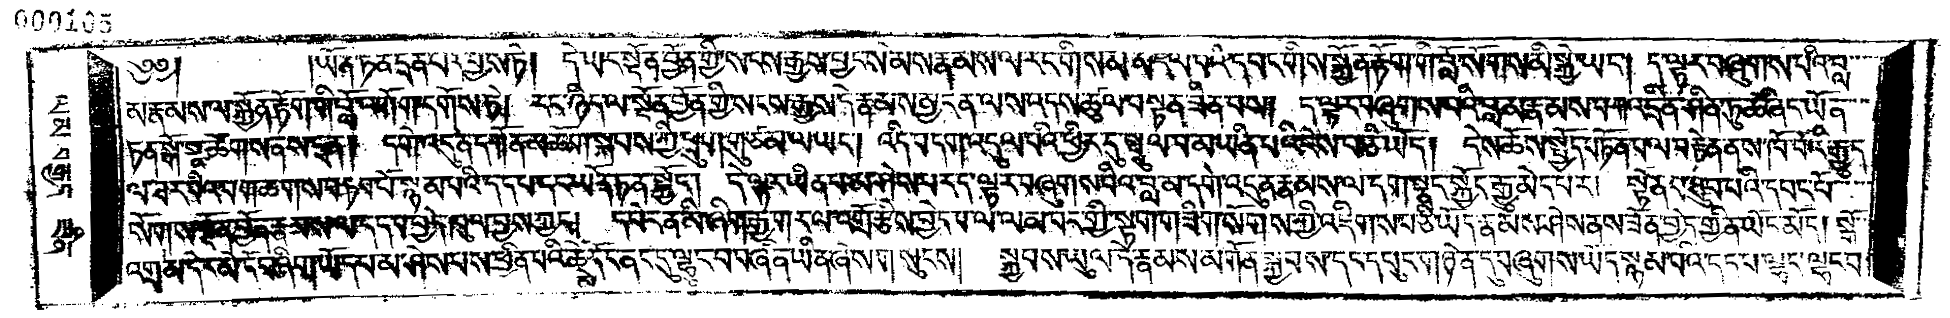༄༅། །ཡོན་ཏན་དྲན་པར་བྱས་ཏེ། དེ་ཡང་སྔོན་བྱོན་གྱི་སངས་རྒྱས་བྱང་སེམས་རྣམས་ལ་རང་གིས་མ་མཇལ་བའི་དབང་གིས་སྐྱོན་རྟོག་གི་བློ་སོགས་མི་སྐྱེ་ཡང་། ད་ལྟར་བཞུགས་པའི་བླ་
མ་རྣམས་ལ་སྐྱོན་རྟོག་གི་བློ་འགོག་དགོས་ཏེ། རང་ཉིད་ལ་སྔོན་བྱོན་གྱི་སངས་རྒྱས་དེ་རྣམས་མྱ་ངན་ལས་འདས་ཚུལ་བསྟན་ཟིན་པས། ད་ལྟར་བཞུགས་པའི་བླ་མ་རྣམས་བཀའ་དྲིན་ཤིན་ཏུ་ཆེ་ཞིང་ཡོན་
ཏན་སྒོ་སྣ་ཚོགས་ནས་དྲན། དགེ་འདུན་དཀོན་མཆོག་སྐབས་ཀྱི་ཕྲུག་གུ་ཙམ་ལ་ཡང་། འདི་བདག་འདུལ་བའི་ཕྱིར་དུ་སྤྲུལ་པ་མ་ཡིན་པའི་ངེས་པ་ཅི་ཡོད། དེས་ཆོས་སྤྱོད་བཏོན་པ་ལ་བརྟེན་ནས་ཁོ་བོའི་རྒྱུད་
ལ་ཐར་པའི་བག་ཆགས་བཏབ་པོ་སྙམ་པའི་དད་པ་དང་ཡོན་ཏན་སྐྱོང་། དེ་ལྟར་ཡིན་པ་མ་ཤེས་པར་ད་ལྟར་བཞུགས་པའི་བླ་མ་དགེ་འདུན་རྣམས་ལ་དག་སྣང་སྐྱོང་རྒྱུ་མེད་པར། སྟོན་པ་ཐུབ་པའི་དབང་པོ་
སོགས་སྔོན་བྱོན་རྣམས་ལ་དད་པ་བྱེད་ཁུལ་བྱས་ཀྱང་། དཔེར་ན་མི་ཞིག་རྒྱ་གར་ལ་འགྲོ་རྩིས་བྱེད་པ་ལ་ལམ་བར་གྱི་སྟག་གཟིག་སོགས་ཀྱི་འཇིགས་པ་ཅི་ཡོད་རྣམས་ཤེས་ནས་ཟོན་བྱེད་གྱིན་ཡོད་མོད། སྒོ་
འགྲམ་དེར་མེ་དོང་ཞིག་ཡོད་པ་མ་ཤེས་པས་ཕྱིན་པའི་ཚེ་མེ་དོང་ནང་དུ་ལྷུང་བ་བཞིན་ཡིན་ཞེས་གསུངས། སྐྱབས་ཡུལ་དེ་རྣམས་མགོན་སྐྱབས་དང་དཔུང་གཉེན་དུ་བཞུགས་ཡོད་སྙམ་པའི་དད་པ་ལྷང་ལྷང་བ་